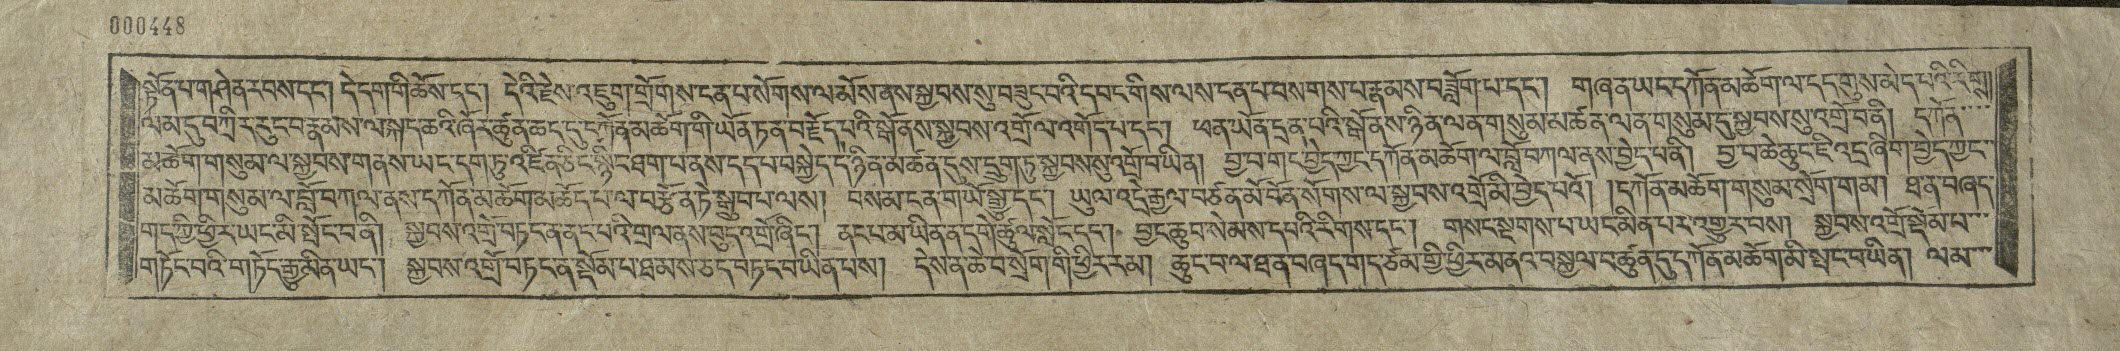སྟོན་པ་གཤེན་རབས་དང་། དེ་དག་གི་ཆོས་དང་། དེའི་རྗེས་འཇུག་གྲོགས་ངན་པ་སོགས་ལ་མོས་ནས་སྐྱབས་སུ་བཟུང་བའི་དབང་གིས་ལས་ངན་པ་བསགས་པ་རྣམས་བཟློག་པ་དང་། གཞན་ཡང་དཀོན་མཆོག་ལ་དད་གུས་མེད་པའི་རིགས།
ལམ་དུ་བཀྲིར་རུང་བ་རྣམས་ལ་སྐད་ཆའི་ཞོར་ཚུན་ཆད་དུ་དཀོན་མཆོག་གི་ཡོན་ཏན་བརྗོད་པའི་སྒོ་ནས་སྐྱབས་འགྲོ་ལ་འགོད་པ་དང་། ཕན་ཡོན་དྲན་པའི་སྒོ་ནས་ཉིན་ལན་གསུམ་མཚན་ལན་གསུམ་དུ་སྐྱབས་སུ་འགྲོ་བ་ནི། དཀོན་
མཆོག་གསུམ་ལ་སྐྱབས་གནས་ཡང་དག་ཏུ་འཛིན་ཅིང་སྙིང་ཐག་པ་ནས་དད་པ་བསྐྱེད་དེ་ཉིན་མཚན་དུས་དྲུག་ཏུ་སྐྱབས་སུ་འགྲོ་བ་ཡིན། བྱ་བ་གང་བྱེད་ཀྱང་དཀོན་མཆོག་ལ་བློ་བཀལ་ནས་བྱེད་པ་ནི། བྱ་བ་ཆེ་ཆུང་ཇི་འདྲ་ཞིག་བྱེད་ཀྱང་
མཆོག་གསུམ་ལ་བློ་བཀལ་ནས་དཀོན་མཆོག་མཆོད་པ་ལ་བརྩོན་ཏེ་སྒྲུབ་པ་ལས། བསམ་ངན་གཡོ་སྒྱུ་དང་། ཡུལ་འདྲེ་རྒྱལ་བཙན་མོ་བོན་སོགས་ལ་སྐྱབས་འགྲོ་མི་བྱེད་པའོ། །དཀོན་མཆོག་གསུམ་སྲོག་གམ། ཐ་ན་བཞད་
གད་ཀྱི་ཕྱིར་ཡང་མི་སྤོང་བ་ནི། སྐྱབས་འགྲོ་བཏང་ན་ནང་པའི་གྲལ་ནས་བུད་འགྲོ་ཞིང་། ནང་པ་མ་ཡིན་ན་དགེ་ཚུལ་སློང་དང་། བྱང་ཆུབ་སེམས་དཔའི་རིགས་དང་། གསང་སྔགས་པ་ཡང་མིན་པར་འགྱུར་བས། སྐྱབས་འགྲོ་སྡོམ་པ་
གཏོང་བའི་གཏོང་རྒྱུ་མིན་ཡང་། སྐྱབས་འགྲོ་བཏང་ན་སྡོམ་པ་ཐམས་ཅད་བཏང་བ་ཡིན་པས། དེས་ན་ཆེ་བ་སྲོག་གི་ཕྱིར་རམ། ཆུང་བ་ལ་ཐ་ན་བཞད་གད་ཙམ་གྱི་ཕྱིར་མནའ་བསྐྱལ་བ་ཚུན་དུ་དཀོན་མཆོག་མི་སྤང་བ་ཡིན། ལམ་